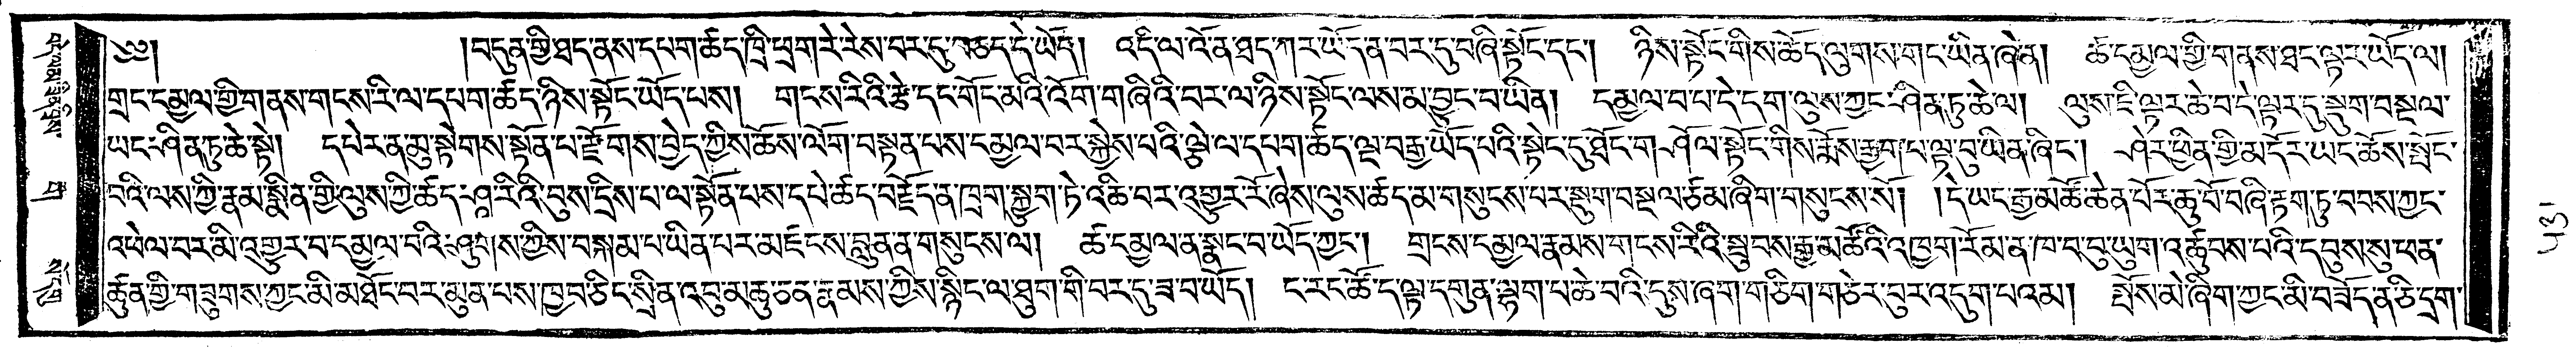༄༅། །བདུན་གྱི་ཐད་ནས་དཔག་ཚད་ཁྲི་ཕྲག་རེ་རེས་བར་དུ་བཅད་དེ་ཡོད། འདི་ལ་འོ་ན་ཐད་ཀར་ཡོད་ན་བར་དུ་བཞི་སྟོང་དང་། ཉིས་སྟོང་གིས་ཆོད་ལུགས་གང་ཡིན་ཞེན། ཚ་དམྱལ་གྱི་གནས་ཐང་ལྟར་ཡོད་ལ།
གྲང་དུ་མྱལ་གྱི་གནས་གངས་རི་ལ་དཔག་ཚད་ཉིས་སྟོང་ཡོད་པས། གངས་རིའི་རྩེ་དང་གོང་མའི་འོག་གཞིའི་བར་ལ་ཉིས་སྟོང་ལས་མ་བྱུང་བ་ཡིན། དམྱལ་བ་པ་དེ་དག་ལུས་ཀྱང་ཤིན་ཏུ་ཆེ་ལ། ལུས་ཇི་ལྟར་ཆེ་བ་དེ་ལྟར་དུ་སྡུག་བསྔལ་
ཡང་ཤིན་ཏུ་ཆེ་སྟེ། དཔེར་ན་མུ་སྟེགས་སྟོན་པ་རྫོགས་བྱེད་ཀྱིས་ཆོས་ལོག་བསྟན་པས་དམྱལ་བར་སྐྱེས་པའི་ལྕེ་ལ་དཔག་ཚད་ལྔ་བརྒྱ་ཡོད་པའི་སྟེང་དུ་ཐོང་གཤོལ་སྟོང་གིས་རྨོས་རྒྱག་པ་ལྟ་བུ་ཡིན་ཞིང་། ཤེར་ཕྱིན་གྱི་མདོར་ཡང་ཆོས་སྤོང་
བའི་ལས་ཀྱི་རྣམ་སྨིན་གྱི་ལུས་ཀྱི་ཚད་ཤཱ་རིའི་བུས་དྲིས་པ་ལ་སྟོན་པས་དཔེ་ཚད་བརྗོད་ན་ཁྲག་སྐྱུག་ཏེ་འཆི་བར་འགྱུར་རོ་ཞེས་ལུས་ཚད་མ་གསུངས་པར་སྡུག་བསྔལ་ཙམ་ཞིག་གསུངས་སོ། །དེ་ཡང་རྒྱ་མཚོ་ཆེན་པོར་ཆུ་བོ་བཞི་རྟག་ཏུ་བབས་ཀྱང་
འཕེལ་བར་མི་འགྱུར་བ་དམྱལ་བའི་ཤུགས་ཀྱིས་བསྐམ་པ་ཡིན་པར་མཛངས་བླུན་ན་གསུངས་ལ། ཚ་དམྱལ་ན་སྣང་བ་ཡོད་ཀྱང་། གྲངས་དམྱལ་རྣམས་གངས་རིའི་སྤུབས་རྒྱ་མཚོའི་འཁྱག་རོམ་ན་ཁ་བ་བུ་ཡུག་འཚུབས་པའི་དབུས་སུ་ཕན་
ཚུན་གྱི་གཟུགས་ཀྱང་མི་མཐོང་བར་མུན་པས་ཁྱབ་ཅིང་སྲིན་འབུ་མཆུ་ཅན་རྣམས་ཀྱིས་སྙིང་ལ་ཐུག་གི་བར་དུ་ཟ་བ་ཡོད། ང་རང་ཚོ་ད་ལྟ་དགུན་ལྷག་པ་ཆེ་བའི་དུས་ཞག་གཅིག་གཅེར་བུར་འདུག་པའམ། སྤོས་མེ་ཞིག་ཀྱང་མི་བཟོད་ན་ཅི་དྲག་